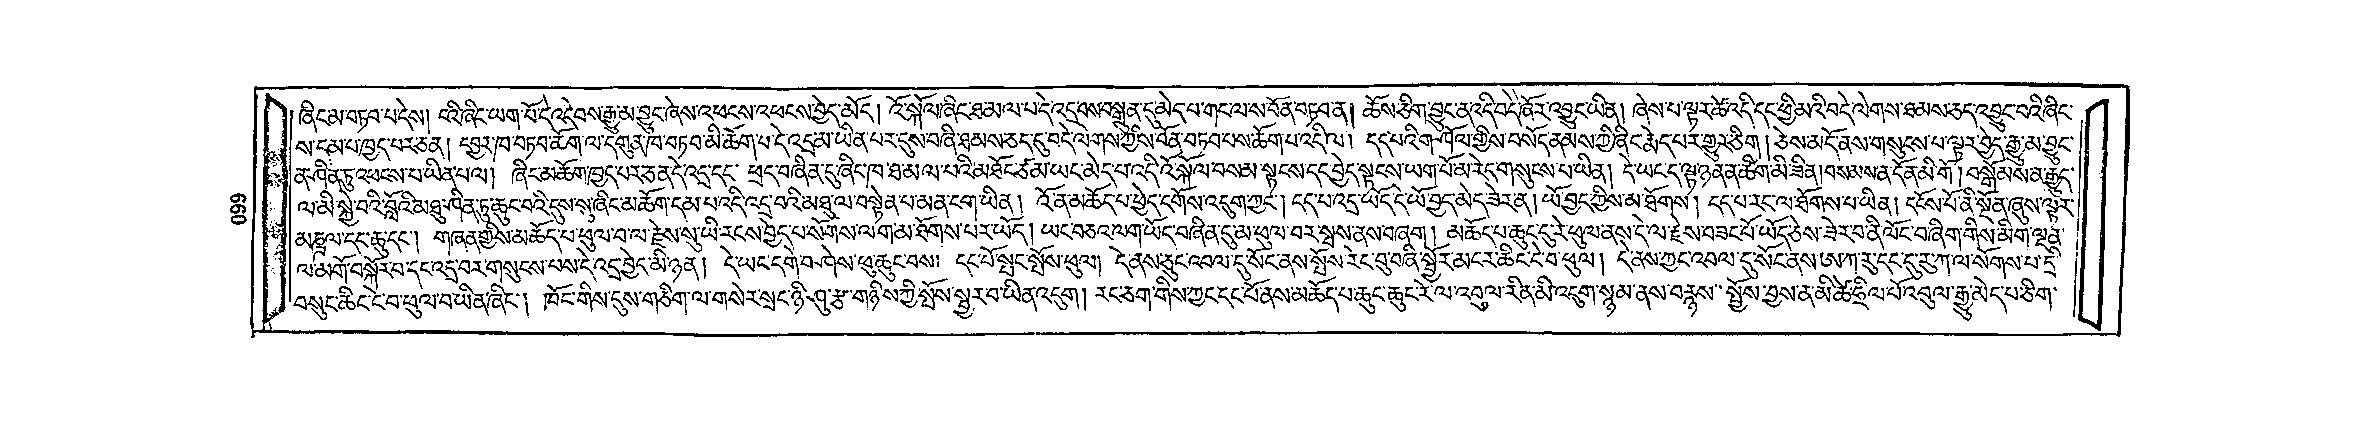ཞིང་མ་བཏབ་པ་དེས། ངའི་ཞིང་ཡག་པོ་དེ་འདེབས་རྒྱུ་མ་བྱུང་ཞེས་འཕངས་འཕངས་བྱེད་མོད། འོ་སྐོལ་ཞིང་ཐ་མལ་པ་དེ་འདྲ་བས་བསྒྲུན་དུ་མེད་པ་གང་ལ་ས་བོན་བཏབ་ན། ཆོས་ཅིག་བྱུང་ན་འདི་བདེ་ཞོར་འབྱུང་ཡིན། ཞེས་པ་ལྟར་ཚེ་འདི་དང་ཕྱི་མའི་བདེ་ལེགས་ཐམས་ཅད་འབྱུང་བའི་ཞིང་
ས་དམ་པ་ཁྱད་པར་ཅན། དབྱར་ཁ་བཏབ་ཆོག་ལ་དགུན་ཁ་བཏབ་མི་ཆོག་པ་དེ་འདྲ་མ་ཡིན་པར་དུས་བཞི་ཐམས་ཅད་དུ་བདེ་ལེགས་ཀྱི་ས་བོན་བཏབ་པས་ཆོག་པ་འདི་ལ། དད་པའི་གཤོལ་གྱིས་བསོད་ནམས་ཀྱི་ཞིང་རྨེད་པར་གྱུར་ཅིག །ཅེས་མདོ་ནས་གསུངས་པ་ལྟར་བྱེད་རྒྱུ་མ་བྱུང་
ན་ཤིན་ཏུ་འཕངས་པ་ཡིན་པ་ལ། ཞིང་མཆོག་ཁྱད་པར་ཅན་དེ་འདྲ་དང་ཕྲད་བཞིན་དུ་ཞིང་ཁ་ཐ་མལ་པའི་མཐོང་ཙམ་ཡང་མེད་པ་འདི་འོ་སྐོལ་བསམ་སྟངས་དང་བྱེད་སྟངས་ཡག་པོ་མ་རེད་གསུངས་པ་ཡིན། དེ་ཡང་ད་ལྟ་ཉན་ན་ཚིག་མི་ཟིན། བསམས་ན་དོན་མི་གོ །བསྒོམས་ན་རྒྱུད་
ལ་མི་སྐྱེ་བའི་བློའི་མཐུ་ཤིན་ཏུ་ཆུང་བའི་དུས་སུ་ཞིང་མཆོག་དམ་པ་འདི་འདྲ་བའི་མཐུ་ལ་བསྟེན་པ་མན་ངག་ཡིན། འོ་ན་མཆོད་པ་ཕྱེད་དགོས་འདུག་ཀྱང་། དད་པ་འདྲ་ཡོད་དེ་ཡོ་བྱད་མེད་ཟེར་ན། ཡོ་བྱད་ཀྱིས་མ་ཐོགས། དད་པ་རང་ལ་ཐོགས་པ་ཡིན། དངོས་པོ་ནི་སྔོན་ཞུས་ལྟར་
མཎྜལ་དང་ཆུ་དང་། གཞན་གྱིས་མཆོད་པ་ཕུལ་བ་ལ་རྗེས་སུ་ཡི་རངས་བྱེད་པ་སོགས་ལག་མ་ཐོགས་པར་ཡོད། ཡང་བཅའ་ལག་ཡོད་བཞིན་དུ་མ་ཕུལ་བར་སྦས་ནས་བཞག །མཆོད་པ་ཆུང་ངུ་རེ་ཕུལ་ནས་དེ་ལ་རྗེས་བཟང་པོ་ཡོད་ཅེས་ཟེར་བ་ནི་ལོང་བ་ཞིག་གིས་མིག་ལྡན་
ལ་མགོ་བསྐོར་བ་དང་འདྲ་བར་གསུངས་པས་དེ་འདྲ་བྱེད་མི་ཉན། དེ་ཡང་དགེ་བཤེས་ཕུ་ཆུང་བས། དང་པོ་སྤང་སྤོས་ཕུལ། དེ་ནས་ཅུང་འབལ་དུ་སོང་ནས་སྤོས་རེང་བུ་བཞི་སྦྱོར་མངར་ཆིང་ངེ་བ་ཕུལ། དེ་ནས་ཀྱང་འབལ་དུ་སོང་ནས་ཨ་ཀ་རུ་དང་དུ་རུ་ཀ་ལ་སོགས་པ་དྲི་
བསུང་ཆིང་ངེ་བ་ཕུལ་བ་ཡིན་ཞིང་། ཁོང་གིས་དུས་གཅིག་ལ་གསེར་སྲང་ཉི་ཤུ་རྩ་གཉིས་ཀྱི་སྤོས་སྦྱར་བ་ཡིན་འདུག །རང་ཅག་གིས་ཀྱང་དང་པོ་ནས་མཆོད་པ་ཆུང་ཆུང་རེ་ལ་འབུལ་རིན་མི་འདུག་སྙམ་ནས་བརྙས་སྤྱོས་བྱས་ན་མི་ཚེ་ཧྲིལ་པོ་འབུལ་རྒྱུ་མེད་པ་ཅིག་